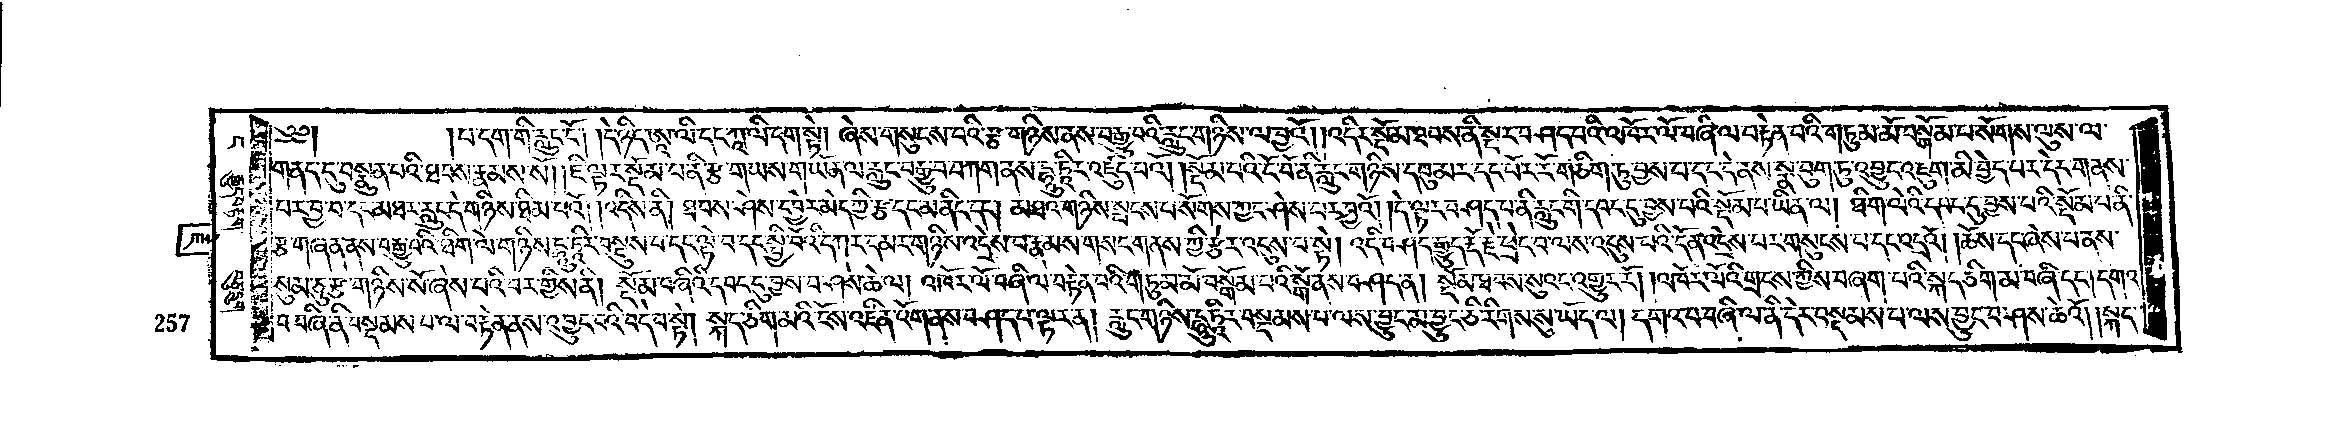༄༅། །པ་དག་གི་རླུང་ངོ། །དེ་ཉིད་ཨཱ་ལི་དང་ཀཱ་ལི་དག་སྟེ། ཞེས་གསུངས་པའི་རྩ་གཉིས་ནས་བརྒྱུ་བའི་རླུང་གཉིས་ལ་བྱའོ། །འདིར་སྡོམ་ཐབས་ནི་སྔར་བཤད་པའི་འཁོར་ལོ་བཞི་ལ་བརྟེན་པའི་གཏུམ་མོ་བསྒོམ་པ་སོགས་ལུས་ལ་
གནད་དུ་བསྣུན་པའི་ཐབས་རྣམས་སོ། །ཇི་ལྟར་སྡོམ་པ་ནི་རྩ་གཡས་གཡོན་ལ་རླུང་བརྒྱུ་བཀག་ནས་དྷཱུ་ཏཱིར་འཛུད་པའོ། །སྡོམ་པའི་ངོ་བོ་ནི་རླུང་གཉིས་དབུ་མར་དང་པོར་རོ་གཅིག་ཏུ་བྱས་པ་དང་དེ་ནས་སྣ་བུག་ཏུ་འབྱུང་འཇུག་མི་བྱེད་པར་དེར་གནས་
པར་བྱ་བ་དང་མཐར་རླུང་དེ་གཉིས་ཐིམ་པའོ། །འདིས་ནི། ཐབས་ཤེས་དབྱེར་མེད་ཀྱི་རྩ་དང་མ་ནིང་དང་། མཐའ་གཉིས་སྤངས་པ་སོགས་ཀྱང་ཤེས་པར་བྱའོ། །དེ་ལྟར་བཤད་པ་ནི་རླུང་གི་དབང་དུ་བྱས་པའི་སྡོམ་པ་ཡིན་ལ། ཐིག་ལེའི་དབང་དུ་བྱས་པའི་སྡོམ་པ་ནི་
རྩ་གཞན་ནས་བརྒྱུ་བའི་ཐིག་ལེ་གཉིས་དྷཱུ་ཏཱིར་བསྡུས་པ་དང་ལྟེ་བ་དང་སྤྱི་བོའི་དཀར་དམར་གཉིས་འདྲེས་པ་རྣམས་གསང་གནས་ཀྱི་རྩེར་འདུས་པ་སྟེ། འདི་བཤད་རྒྱུད་རྡོ་རྗེ་ཕྲེང་བ་ལས་འདུས་པའི་དོན་འདྲེས་པར་གསུངས་པ་དང་འདྲའོ། །ཆོས་དང་ཞེས་པ་ནས་
སུམ་ཅུ་རྩ་གཉིས་སོ་ཞེས་པའི་བར་གྱིས་ནི། སྡོམ་བཞིའི་དབང་དུ་བྱས་པ་ཤེས་ཆེ་ལ། འཁོར་ལོ་བཞི་ལ་བརྟེན་པའི་གཏུམ་མོ་བསྒོམ་པའི་སྒོ་ནས་བཤད་ན། སྡོམ་ཐབས་སུའང་འགྱུར་རོ། །འཁོར་ལོའི་གྲངས་ཀྱིས་བཞག་པའི་སྐད་ཅིག་མ་བཞི་དང་། དགའ་
བ་བཞི་ནི་བསྡམས་པ་ལ་བརྟེན་ནས་འབྱུང་བའི་བདེ་བ་སྟེ། སྐད་ཅིག་མའི་ངོས་འཛིན་འོག་ནས་བཤད་པ་ལྟར་ན། རླུང་གཉིས་དྷཱུ་ཏཱིར་བསྡམས་པ་ལས་བྱུང་མ་བྱུང་ཅི་རིགས་སུ་ཡོད་ལ། དགའ་བ་བཞི་ལ་ནི་དེར་བསྡམས་པ་ལས་བྱུང་བ་ཤས་ཆེའོ། །སྐད་